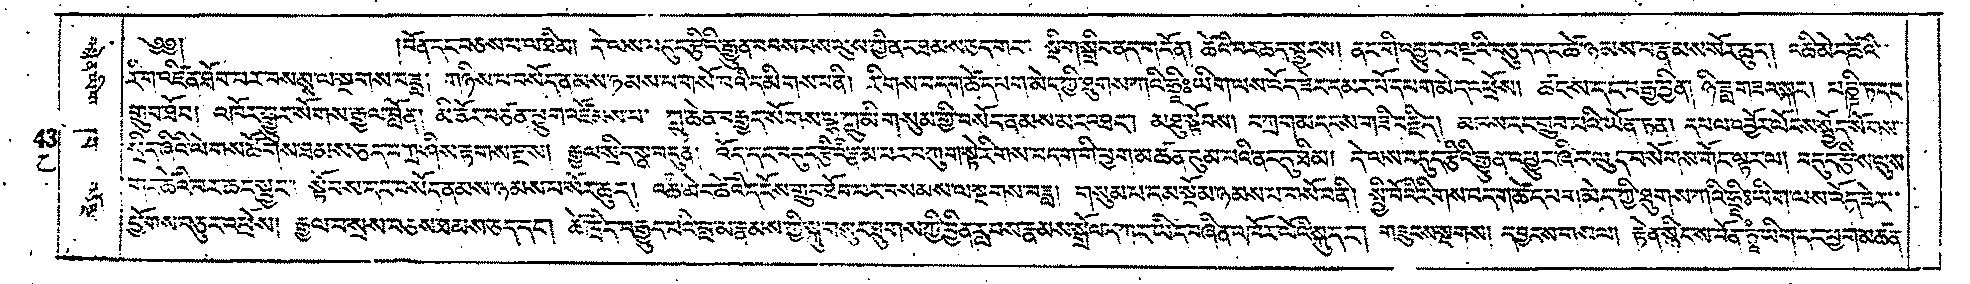༄༅། །བོན་དང་བཅས་པ་ལ་ཐིམ། དེ་ལས་བདུད་རྩིའི་རྒྱུན་བབས་པས་ལུས་ཀྱི་ནང་ཐམས་ཅད་གང༑ སྡིག་སྒྲིབ་ནད་གདོན། ཚེའི་བར་ཆད་སྦྱངས། ནང་གི་འབྱུང་བ་ལྔའི་བཅུད་དང་ཚེ་ཉམས་པ་རྣམས་སོར་ཆུད། འཆི་མེད་ཚེའི་་་
རིག་འཛིན་ཐོབ་པར་བསམས་ལ་སྔགས་བཟླ། གཉིས་པ་བསོད་ནམས་པ་གསོ་བའི་དམིགས་པ་ནི། རིགས་བདག་ཚེ་དཔག་མེད་ཀྱི་ཐུགས་ཀའི་ཧྲཱིཿ ཡིག་ལས་འོད་ཟེར་དམར་པོ་དཔག་མེད་འཕྲོས། ཚངས་དང་བརྒྱ་བྱིན། ཉི་ཟླ་གཟའ་སྐར། པཎྜི་ཏ་དང་
གྲུབ་ཐོབ། འཁོར་སྒྱུར་སོགས་རྒྱལ་བློན། མི་ནོར་བཙན་ཕྱུག་འཛོམས་པ། ཀླུ་ཆེན་བརྒྱད་སོགས་ལྷ་ཀླུ་མི་གསུམ་གྱི་བསོད་ནམས་མངའ་ཐང་། མཐུ་སྟོབས། བཀྲག་མདངས་གཟི་བརྗིད། མཁས་དང་གྲུབ་པའི་ཡོན་ཏན། དཔལ་འབྱོར་ལོངས་སྤྱོད་སོགས་
སྲིད་ཞིའི་ལེགས་ཚོགས་ཐམས་ཅད་བཀྲ་ཤིས་རྟགས་རྫས། རྒྱལ་སྲིད་སྣ་བདུན། འོད་དང་བདུད་རྩིའི་རྣམ་པར་བཀུག་སྟེ་རིགས་བདག་གི་ཕྱག་མཚན་བུམ་པའི་ནང་དུ་ཐིམ། དེ་ལས་བདུད་རྩིའི་རྒྱུན་འཕྱུར་ཞིང་ལུད་པ་སོགས་གོང་ལྟར་ལ། བདུད་རྩིས་ལུས་
གང་ཚེའི་བར་ཆད་སྦྱང་། སྟོབས་དང་བསོད་ནམས་ཉམས་པ་སོར་ཆུད། འཆི་མེད་ཚེའི་དངོས་གྲུབ་ཐོབ་པར་བསམས་པ་སྔགས་བཟླ། གསུམ་པ་དམ་སྡོམ་ཉམས་པ་གསོ་བ་ནི། སྤྱི་བོའི་རིགས་བདག་ཚེ་དཔག་མེད་ཀྱི་ཐུགས་ཀའི་ཧྲཱིཿ ཡིག་ལས་འོད་ཟེར་་་
ཕྱོགས་བཅུར་འཕྲོས། རྒྱལ་བ་སྲས་བཅས་ཐམས་ཅད་དང་། ཚེ་ཁྲིད་བརྒྱུད་པའི་བླ་མ་རྣམས་ཀྱི་སྐུ་གསུང་ཐུགས་ཀྱི་བྱིན་རླབས་རྣམས་སྒྲོལ་དཀར་ཡིད་བཞིན་འཁོར་ལོའི་སྐུ་དང་། གཟུངས་སྔགས། དབྱངས་གསལ། རྟེན་སྙིང་ས་བོན་ཏཱཾ་ཡིག་དང་ཕྱག་མཚན་